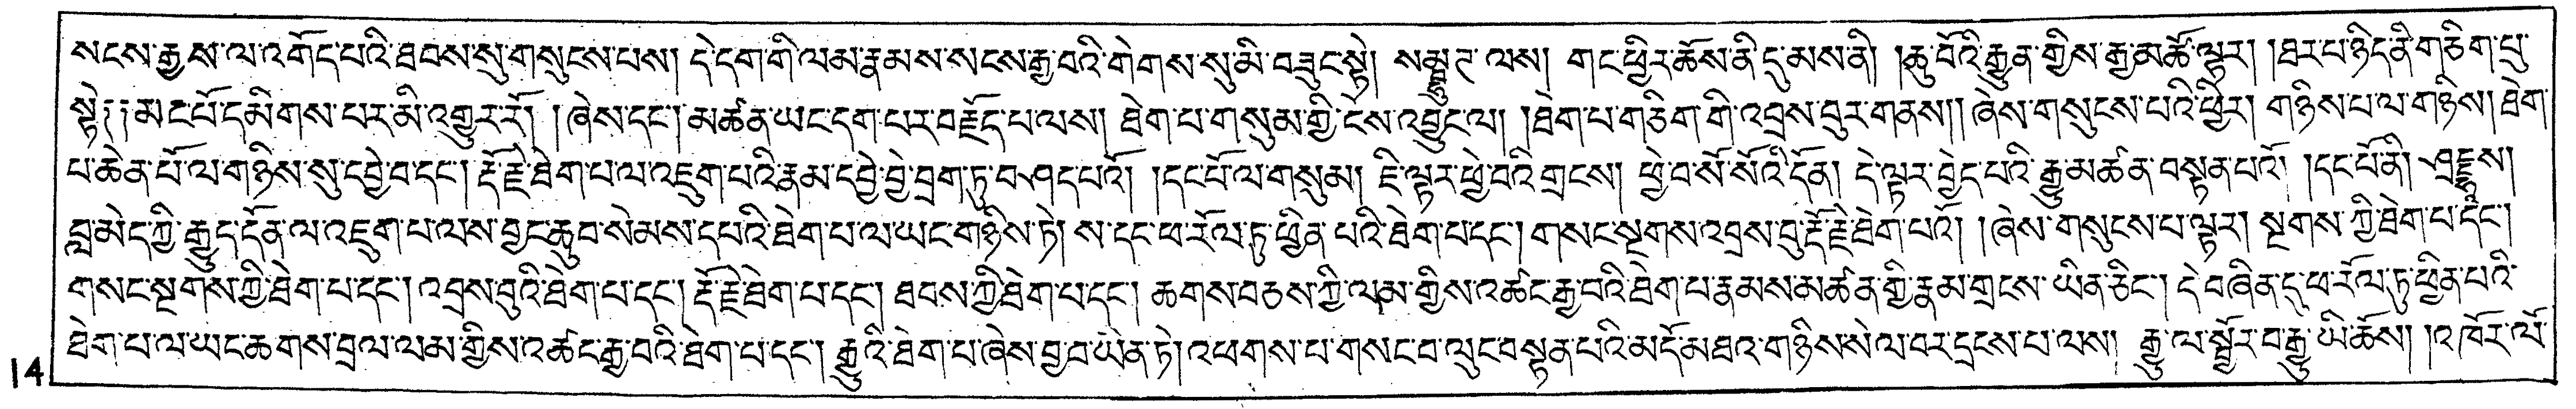སངས་རྒྱས་ལ་འགོད་པའི་ཐབས་སུ་གསུངས་པས། དེ་དག་གི་ལམ་རྣམས་སངས་རྒྱ་བའི་གེགས་སུ་མི་བཟུང་སྟེ། སམྦྷུཊ་ལས། གང་ཕྱིར་ཆོས་ནི་དུ་མས་ནི། །ཆུ་བོའི་རྒྱུན་གྱིས་རྒྱ་མཚོ་ལྟར། །ཐར་པ་ཉིད་ནི་གཅིག་པུ་
སྟེ། །མང་པོ་དམིགས་པར་མི་འགྱུར་རོ། །ཞེས་དང་། མཚན་ཡང་དག་པར་བརྗོད་པ་ལས། ཐེག་པ་གསུམ་གྱི་ངེས་འབྱུང་ལ། །ཐེག་པ་གཅིག་གི་འབྲས་བུར་གནས། །ཞེས་གསུངས་པའི་ཕྱིར། གཉིས་པ་ལ་གཉིས། ཐེག་
པ་ཆེན་པོ་ལ་གཉིས་སུ་དབྱེ་བ་དང་། རྡོ་རྗེ་ཐེག་པ་ལ་འཇུག་པའི་རྣམ་དབྱེ་བྱེ་བྲག་ཏུ་བཤད་པའོ། །དང་པོ་ལ་གསུམ། ཇི་ལྟར་ཕྱེ་བའི་གྲངས། ཕྱེ་བ་སོ་སོའི་དོན། དེ་ལྟར་བྱེད་པའི་རྒྱུ་མཚན་བསྟན་པའོ། །དང་པོ་ནི། ཤྲདྡྷཱས།
བླ་མེད་ཀྱི་རྒྱུད་དོན་ལ་འཇུག་པ་ལས་བྱང་ཆུབ་སེམས་དཔའི་ཐེག་པ་ལ་ཡང་གཉིས་ཏེ། ས་དང་ཕ་རོལ་ཏུ་ཕྱིན་པའི་ཐེག་པ་དང་། གསང་སྔགས་འབྲས་བུ་རྡོ་རྗེ་ཐེག་པའོ། །ཞེས་གསུངས་པ་ལྟར། སྔགས་ཀྱི་ཐེག་པ་དང་།
གསང་སྔགས་ཀྱི་ཐེག་པ་དང་། འབྲས་བུའི་ཐེག་པ་དང་། རྡོ་རྗེ་ཐེག་པ་དང་། ཐབས་ཀྱི་ཐེག་པ་དང་། ཆགས་བཅས་ཀྱི་ལམ་གྱིས་འཚང་རྒྱ་བའི་ཐེག་པ་རྣམས་མཚན་གྱི་རྣམ་གྲངས་ཡིན་ཅིང་། དེ་བཞིན་དུ་ཕ་རོལ་ཏུ་ཕྱིན་པའི་
ཐེག་པ་ལ་ཡང་ཆགས་བྲལ་ལམ་གྱིས་འཚང་རྒྱ་བའི་ཐེག་པ་དང་། རྒྱུའི་ཐེག་པ་ཞེས་བྱ་བ་ཡིན་ཏེ། འཕགས་པ་གསང་བ་ལུང་བསྟན་པའི་མདོ་མཐའ་གཉིས་སེལ་བར་དྲངས་པ་ལས། རྒྱུ་ལ་སྦྱོར་བ་རྒྱུ་ཡི་ཆོས། །འཁོར་ལོ་